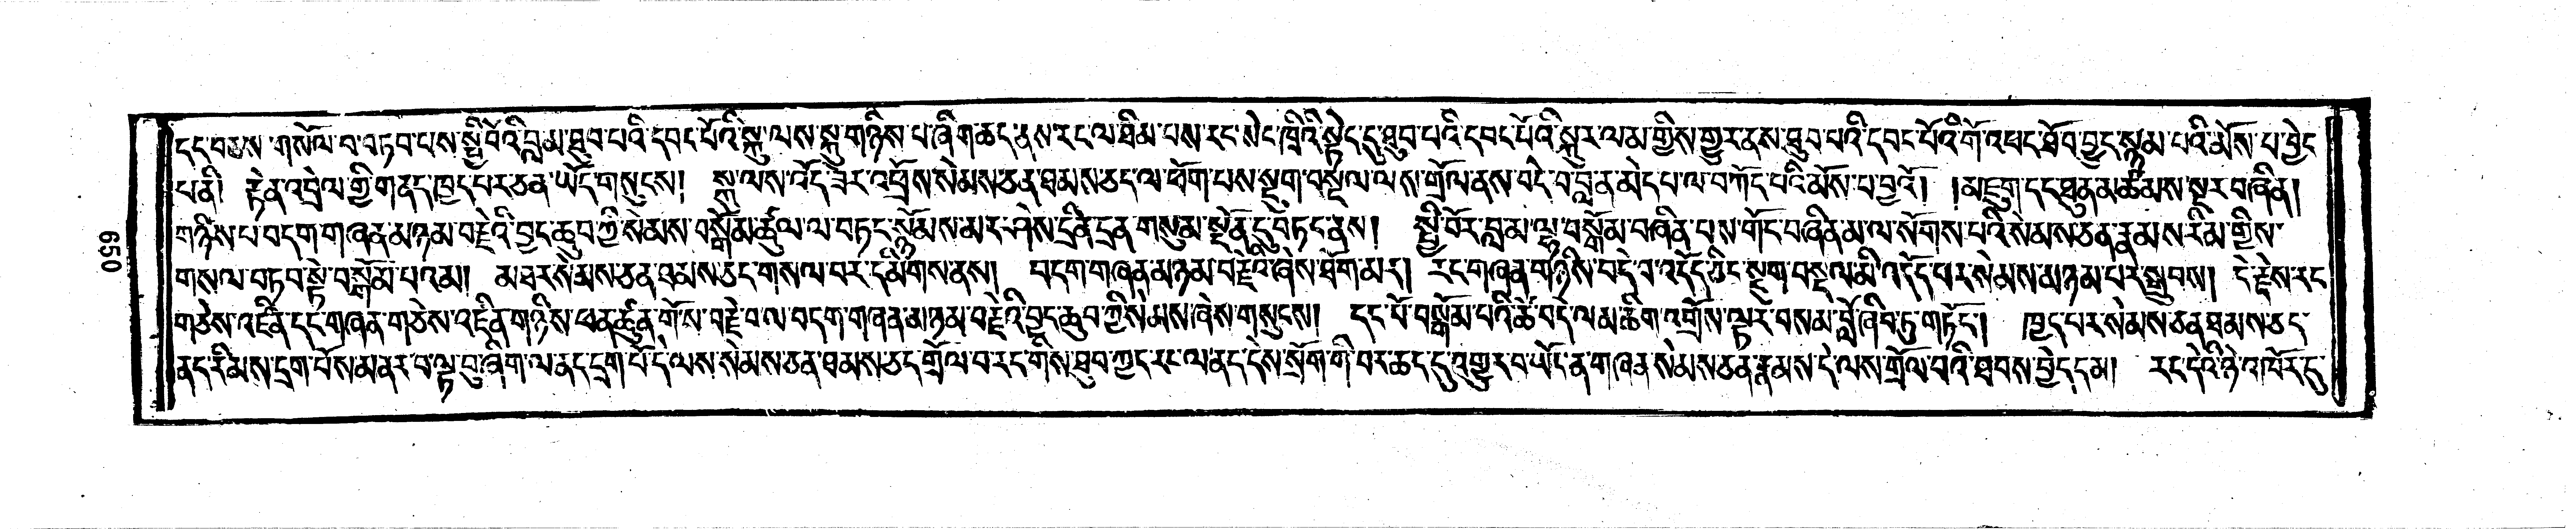དང་བཅས་གསོལ་བ་བཏབ་པས་སྤྱི་བོའི་བླ་མ་ཐུབ་པའི་དབང་པོའི་སྐུ་ལས་སྐུ་གཉིས་པ་ཞིག་ཆད་ནས་རང་ལ་ཐིམ་པས་རང་སེང་ཁྲིའི་སྟེང་དུ་ཐུབ་པའི་དབང་པོའི་སྐུར་ལམ་གྱིས་གྱུར་ནས་ཐུབ་པའི་དབང་པོའི་གོ་འཕང་ཐོབ་བྱུང་སྙམ་པའི་མོས་པ་བྱེད་
པ་ནི། རྟེན་འབྲེལ་གྱི་གནད་ཁྱད་པར་ཅན་ཡོད་གསུངས། སྐུ་ལས་འོད་ཟེར་འཕྲོས་སེམས་ཅན་ཐམས་ཅད་ལ་ཕོག་པས་སྡུག་བསྔལ་ལས་གྲོལ་ནས་བདེ་བ་བླ་ན་མེད་པ་ལ་བཀོད་པའི་མོས་པ་བྱའོ། །མཇུག་དང་ཐུན་མཚམས་སྔར་བཞིན།
གཉིས་པ་བདག་གཞན་མཉམ་བརྗེའི་བྱང་ཆུབ་ཀྱི་སེམས་བསྒོམ་ཚུལ་ལ་བཏང་སྙོམས་མར་ཤེས་དྲིན་དྲན་གསུམ་སྔོན་དུ་བཏང་ནས། སྤྱི་བོར་བླ་མ་ལྷ་བསྒོམ་བཞིན་པས་གོང་བཞིན་མ་ལ་སོགས་པའི་སེམས་ཅན་རྣམས་རིམ་གྱིས་
གསལ་བཏབ་སྟེ་བསྒོམ་པའམ། མཐར་སེམས་ཅན་ཐམས་ཅད་གསལ་བར་དམིགས་ནས། བདག་གཞན་མཉམ་བརྗེའི་ཞེས་ཐོག་མར། རང་གཞག་གཉིས་བདེ་བ་འདོད་ཅིང་སྡུག་བསྔལ་མི་འདོད་པར་སེམས་མཉམ་པར་སྒྲུབས། དེ་རྗེས་རང་
གཅེས་འཛིན་དང་གཞན་གཅེས་འཛིན་གཉིས་ཕན་ཚུན་གོ་ས་བརྗེ་བ་ལ་བདག་གཞན་མཉམ་བརྗེའི་བྱང་ཆུབ་ཀྱི་སེམས་ཞེས་གསུངས། དང་པོ་བསྒོམ་པའི་ཚེ་བདེ་ལམ་ཚིག་འགྲོས་ལྟར་བསམ་བློ་ཞིབ་ཏུ་གཏོད། ཁྱད་པར་སེམས་ཅན་ཐམས་ཅད་
ནད་རིམས་དྲག་པོས་མནར་བ་ལྟ་བུ་ཞིག་ལ་ནད་དྲག་པོ་དེ་ལས་སེམས་ཅན་ཐམས་ཅད་གྲོལ་བ་རང་གིས་ཐུབ་ཀྱང་རང་ལ་ནད་དེས་སྲོག་གི་བར་ཆད་དུ་འགྱུར་བ་ཡོད་ན་གཞན་སེམས་ཅན་རྣམས་དེ་ལས་གྲོལ་བའི་ཐབས་བྱེད་དམ། རང་དེའི་ཉེ་འཁོར་དུ་